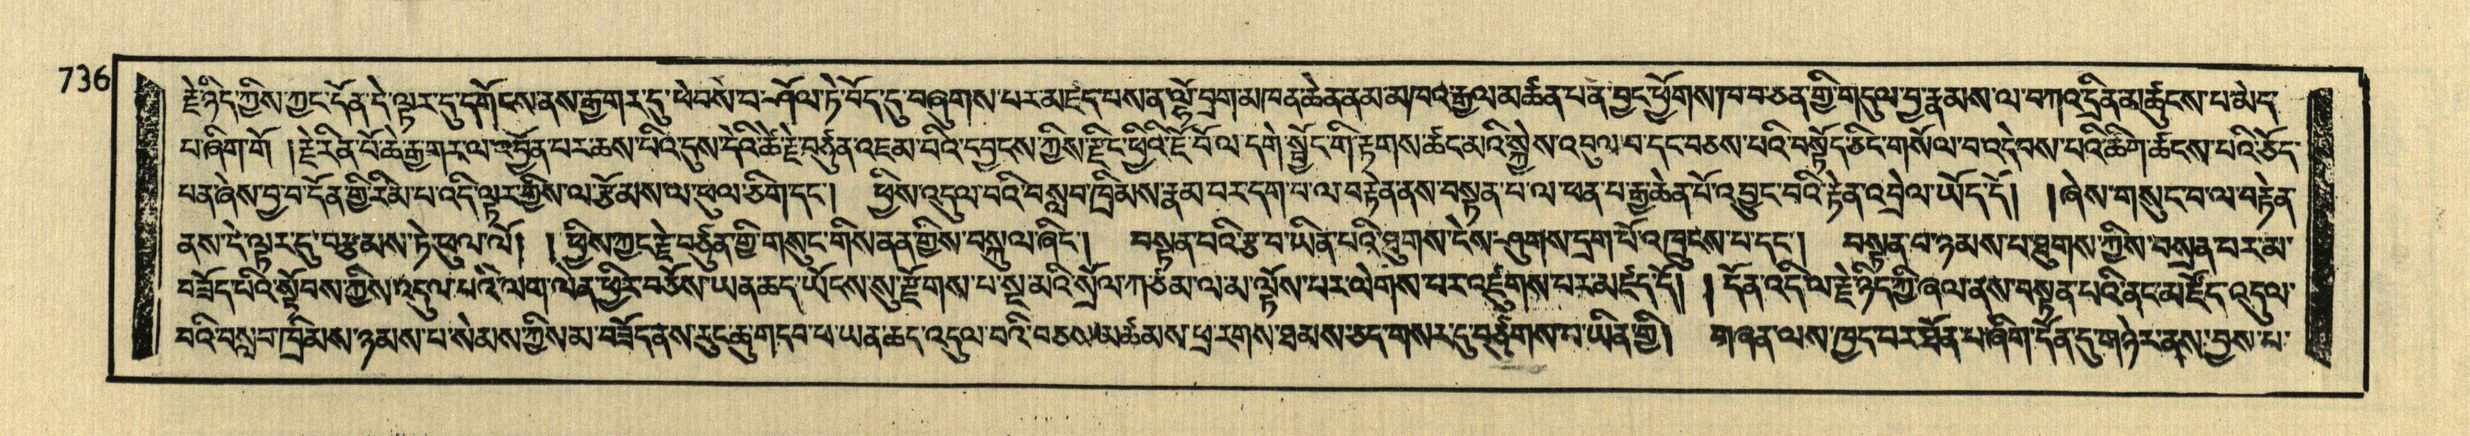རྗེ་ཉིད་ཀྱིས་ཀྱང་དོན་དེ་ལྟར་དུ་དགོངས་ནས་རྒྱ་གར་དུ་ཕེབས་བ་ཤོལ་ཏེ་བོད་དུ་བཞུགས་པར་མཛད་པས་ན་ལྷོ་བྲག་མཁན་ཆེན་ནམ་མཁའ་རྒྱལ་མཚན་པ་ན་བྱང་ཕྱོགས་ཁ་བ་ཅན་གྱི་གདུལ་བྱ་རྣམས་ལ་བཀའ་དྲིན་མཚུངས་པ་མེད་
པ་ཞིག་གོ །རྗེ་རིན་པོ་ཆེ་རྒྱ་གར་ལ་འབྱོན་པར་ཆས་པའི་དུས་དེའི་ཚེ་རྗེ་བཙུན་འཇམ་བའི་དབྱངས་ཀྱིས་རྫིང་ཕྱིའི་ཇོ་བོ་ལ་དགེ་སྦྱོང་གི་རྟགས་ཚང་མའི་སྐྱེས་འབུལ་བ་དང་བཅས་པའི་བསྟོད་ཅིང་གསོལ་བ་འདེབས་པའི་ཚིག་ཚངས་པའི་ཅོད་
པན་ཞེས་བྱ་བ་དོན་གྱི་རིམ་པ་འདི་ལྟར་གྱིས་ལ་རྩོམས་ལ་ཕུལ་ཅིག་དང་། ཕྱིས་འདུལ་བའི་བསླབ་ཁྲིམས་རྣམ་བར་དག་པ་ལ་བརྟེན་ནས་བསྟན་པ་ལ་ཕན་པ་རྒྱ་ཆེན་པོ་འབྱུང་བའི་རྟེན་འབྲེལ་ཡོད་དོ། །ཞེས་གསུང་བ་ལ་བརྟེན་
ནས་དེ་ལྟར་དུ་བརྩམས་ཏེ་ཕུལ་ལོ། །ཕྱིས་ཀྱང་རྗེ་བཙུན་གྱི་གསུང་གིས་ནན་གྱིས་བསྐུལ་ཞིང་། བསྟན་པའི་རྩ་བ་ཡིན་པའི་ཐུགས་ངེས་ཤུགས་དྲག་པོ་འཁྲུངས་པ་དང་། བསྟན་པ་ཉམས་པ་ཐུགས་ཀྱིས་བསྲན་བར་མ་
བཟོད་པའི་སྟོབས་ཀྱིས་འདུལ་པའི་ལག་ལེན་ཕྱིར་བཅོས་ཡན་ཆད་ཡོངས་སུ་རྫོགས་པ་སྔ་མའི་སྲོལ་ཀ་ཙམ་ལ་མ་ལྟོས་པར་ལེགས་པར་འཛུགས་པར་མཛད་དོ། །དོན་འདི་ལ་རྗེ་ཉིད་ཀྱི་ཞལ་ནས་བསྟན་པའི་ནང་མཛོད་འདུལ་
བའི་བསླབ་ཁྲིམས་ཉམས་པ་སེམས་ཀྱིས་མ་བཟོད་ནས་རུང་ཆུ་གདབ་པ་ཡན་ཆད་འདུལ་བའི་བཅས་མཚམས་ཕྲ་རགས་ཐམས་ཅད་གསར་དུ་བཙུགས་པ་ཡིན་གྱི། གཞན་ལས་ཁྱད་པར་ཐོན་པ་ཞིག་དོན་དུ་གཉེར་ནས་བྱས་པ་